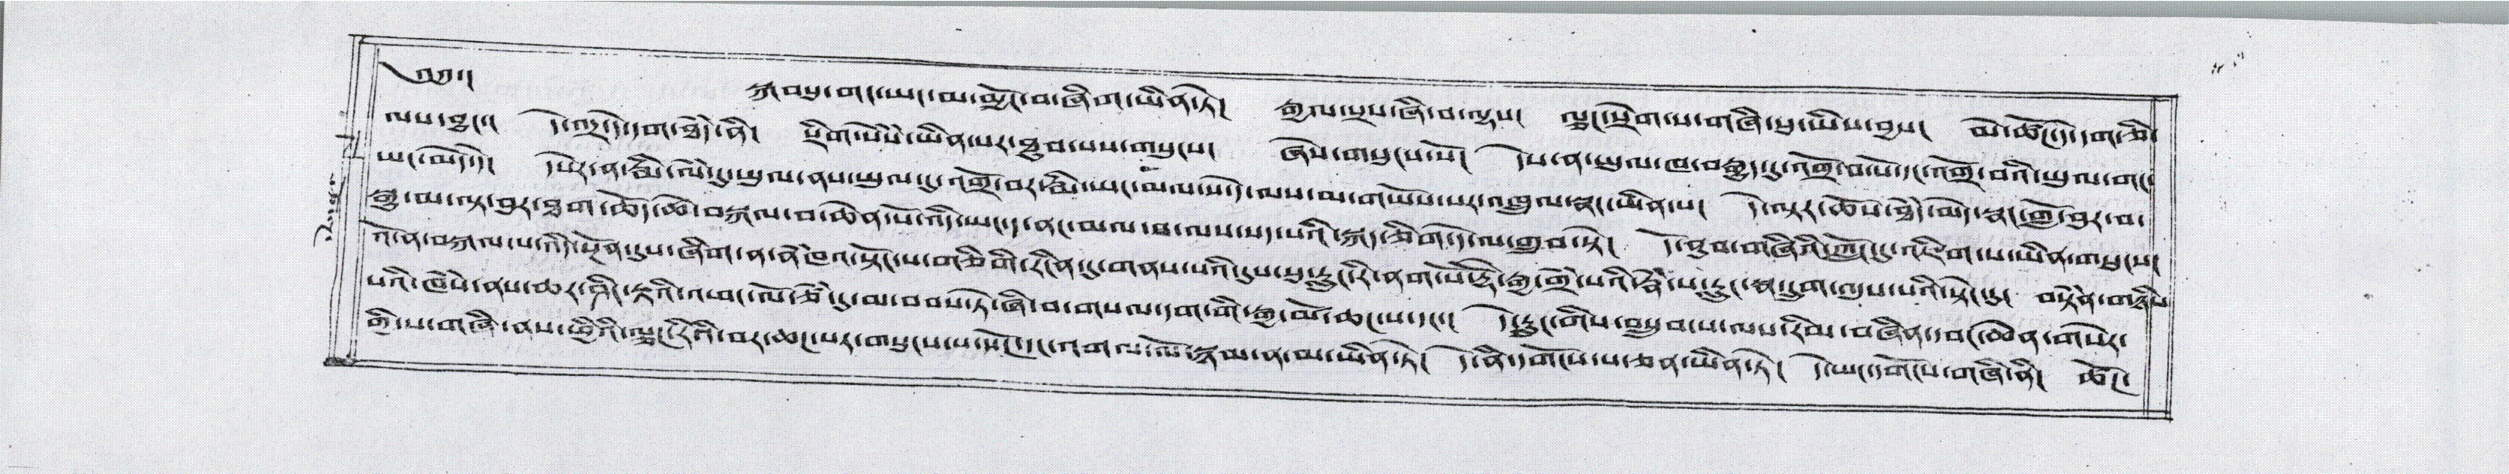སྐབས་སུ་གང་ཡང་མ་མྱོང་བ་ཞིག་ཡིན་ཏེ། རྒྱལ་སྲས་ཞི་བ་ལྷས། ལྕགས་སྲེག་ས་གཞི་སུ་ཡིས་བྱས། མོ་ཚོགས་དེ་དག་ཅི་
ལས་བྱུང་། དེ་འདྲ་དེ་དག་ཐམས་ཅད་ནི། སྡིག་སེམས་ཡིན་པར་ཐུབ་པས་གསུངས། ཞེས་གསུངས་སོ། དེས་ན་ཡུལ་ཁ་བརྒྱུད་དུ་འགྲོ་བ་པོ་དང་འགྲོ་བའི་ཡུལ་གང་
ཡང་མེད་དེ། དཔེར་ན་རྨི་ལམ་དུ་ཡུལ་ནས་ཡུལ་དུ་འགྲོ་བར་རྨི་ཡང་མལ་ས་དེ་ལས་མ་གཡོས་པར་འཁྲུལ་སྣང་ཡིན་པ། དེ་ལྟར་ཆོས་ཐམས་ཅད་མེད་སྣང་གློ་བུར་བ་
སྒྱུ་མ་ལྟ་བུར་ཐག་ཆོད་ཚེ་བསྐལ་པ་ཆེན་པོ་འདི་ཡང་ད་ནངས་མལ་ས་ལས་སད་པའི་སྐད་ཅིག་དེ་ལ་གྲུབ་སྟེ། དོ་ནུབ་གཞིའི་ཀློང་དུ་འཇིག་པ་ཡིན་གསུངས། 
འོ་ན་བསྐལ་པ་འདི་སྔོན་དུས་ཞིག་ན་ནམ་མཁའ་སྟོང་པ་གཅིག་གི་རང་བཞིན་དུ་གནས་པའི་དུས་སུ་རླུང་རི་ནག་པོ་རྡོ་རྗེ་རྒྱ་གྲམ་པའི་རྣམ་པ་རླུང་སྣ་དྲུག་འདུས་པའི་སྟེང་དུ་བསམ་གཏན་གཉིས་
པའི་ཁམས་ནས་ཆར་ཤིང་རྟའི་འཕང་ལོ་ཙམ་དུ་མ་བབས་ཏེ་ཞི་བ་གསལ་དག་གི་རྒྱ་མཚོ་ཆགས་པ་དང་། དེ་རླུང་གིས་བསྲུབས་པ་ལས་རིམ་བཞིན་དབང་ཆེན་གསེར་
གྱི་ས་གཞི་ནས་ཕྱི་ཡི་ལྕགས་རི་བར་ཆགས་པར་གསུངས་པ་སོགས་དང་འགལ་ལོ་སྙམ་ན་མ་ཡིན་ཏེ། དེ་ཡང་དགོངས་གཞི་ནི། ཚོགས་